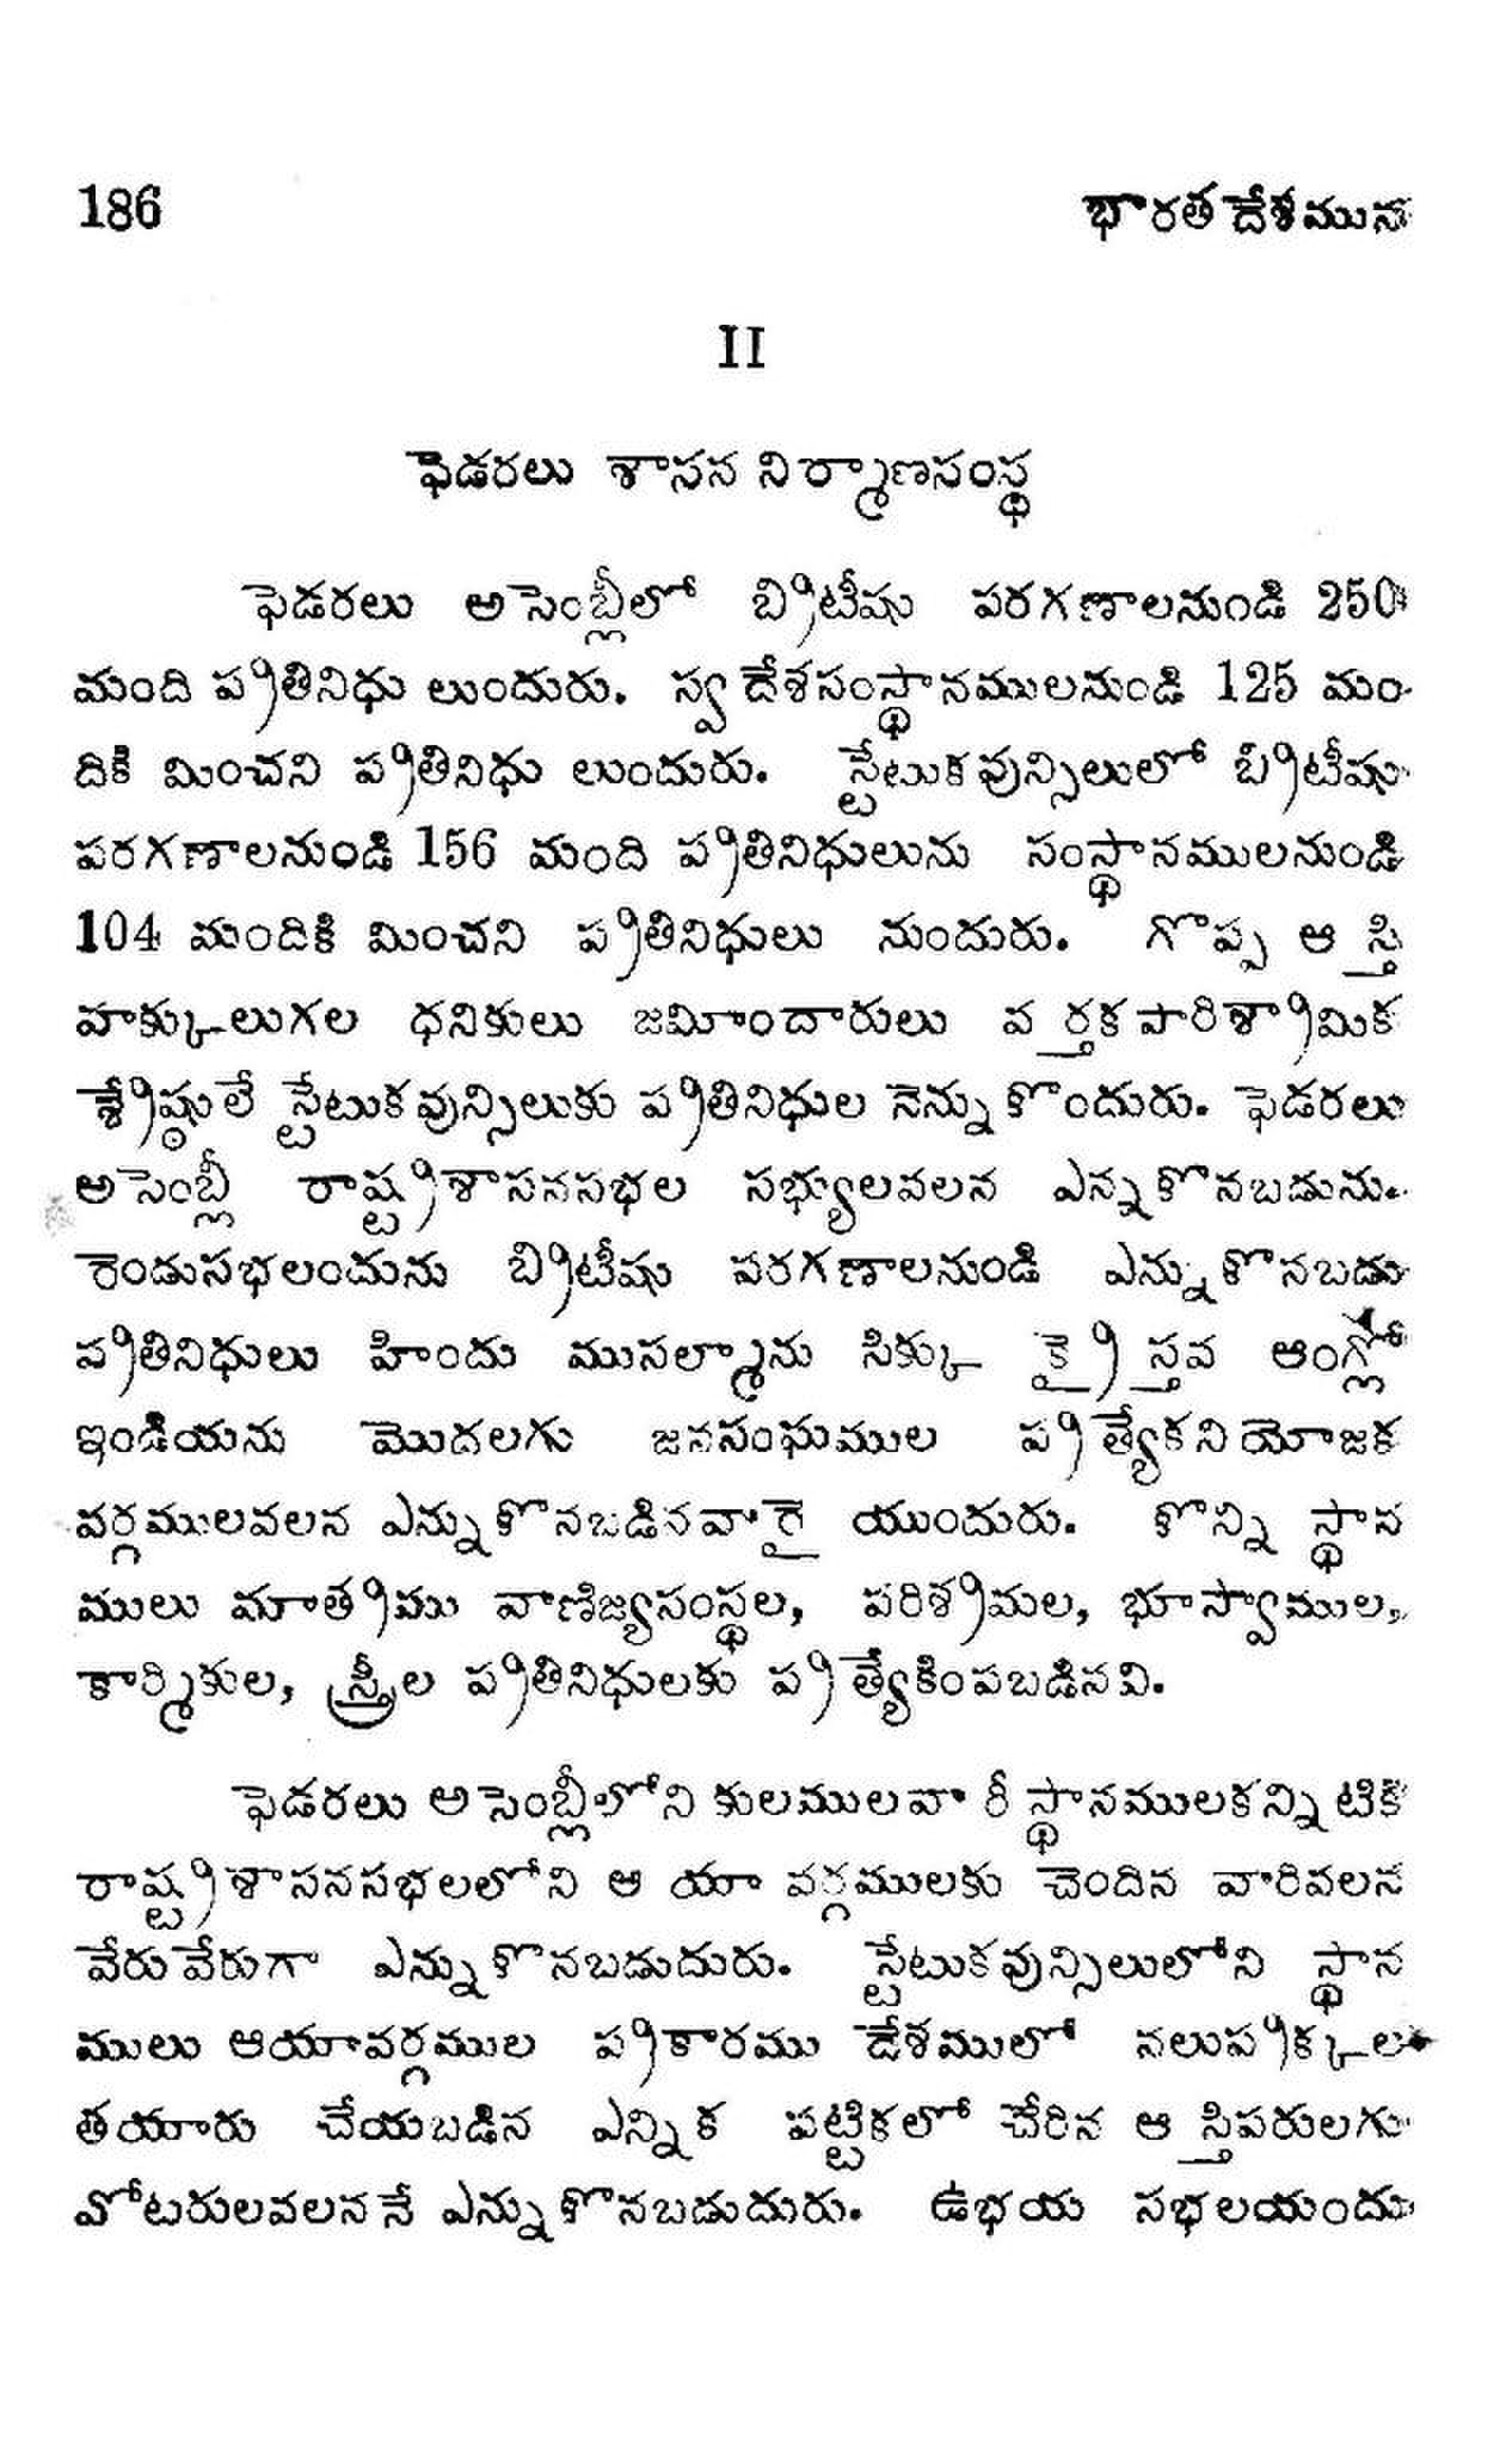II
ఫెడరలు శాసన నిర్మాణసంస్థ

ఫెడరలు అసెంబ్లీలో బ్రిటీషు పరగణాలనుండి 250 మంది ప్రతినిధు లుందురు. స్వదేశసంస్థానములనుండి 125 మందికి మించని ప్రతినిధు లుందురు. స్టేటుకవున్సిలులో బ్రిటీషు పరగణాలనుండి 156 మంది ప్రతినిధులును సంస్థానములనుండి 104 మందికి మించని ప్రతినిధులు నుందురు. గొప్ప ఆస్తి హక్కులుగల ధనికులు జమీందారులు వర్తకపారిశ్రామిక శ్రేష్ఠులే స్టేటుకవున్సిలుకు ప్రతినిధుల నెన్నుకొందురు. ఫెడరలు అసెంబ్లీ రాష్ట్రశాసనసభల సభ్యులవలన ఎన్నకొనబడును.. రెండుసభలందును బ్రిటీషు పరగణాలనుండి ఎన్నుకొనబడు ప్రతినిధులు హిందు ముసల్మాను సిక్కు క్రైస్తవ ఆంగ్లోఇండియను మొదలగు జనసంఘముల ప్రత్యేకనియోజక వర్గములవలన ఎన్నుకొనబడినవారై యుందురు. కొన్ని స్థానములు మాత్రము వాణిజ్యసంస్థల, పరిశ్రమల, భూస్వాముల, కార్మికుల, స్త్రీల ప్రతినిధులకు ప్రత్యేకింపబడినవి.

ఫెడరలు అసెంబ్లీలోని కులములవా రీ స్థానములకన్నిటికి రాష్ట్రశాసనసభలలోని ఆ యా వర్గములకు చెందిన వారివలన వేరు వేరుగా ఎన్నుకొనబడుదురు. స్టేటుకవున్సిలులోని స్థానములు ఆయావర్గముల ప్రకారము దేశములో నలుప్రక్కల తయారు చేయబడిన ఎన్నిక పట్టికలో చేరిన ఆస్తిపరులగు వోటరులవలననే ఎన్నుకొనబడుదురు. ఉభయ సభలయందు.